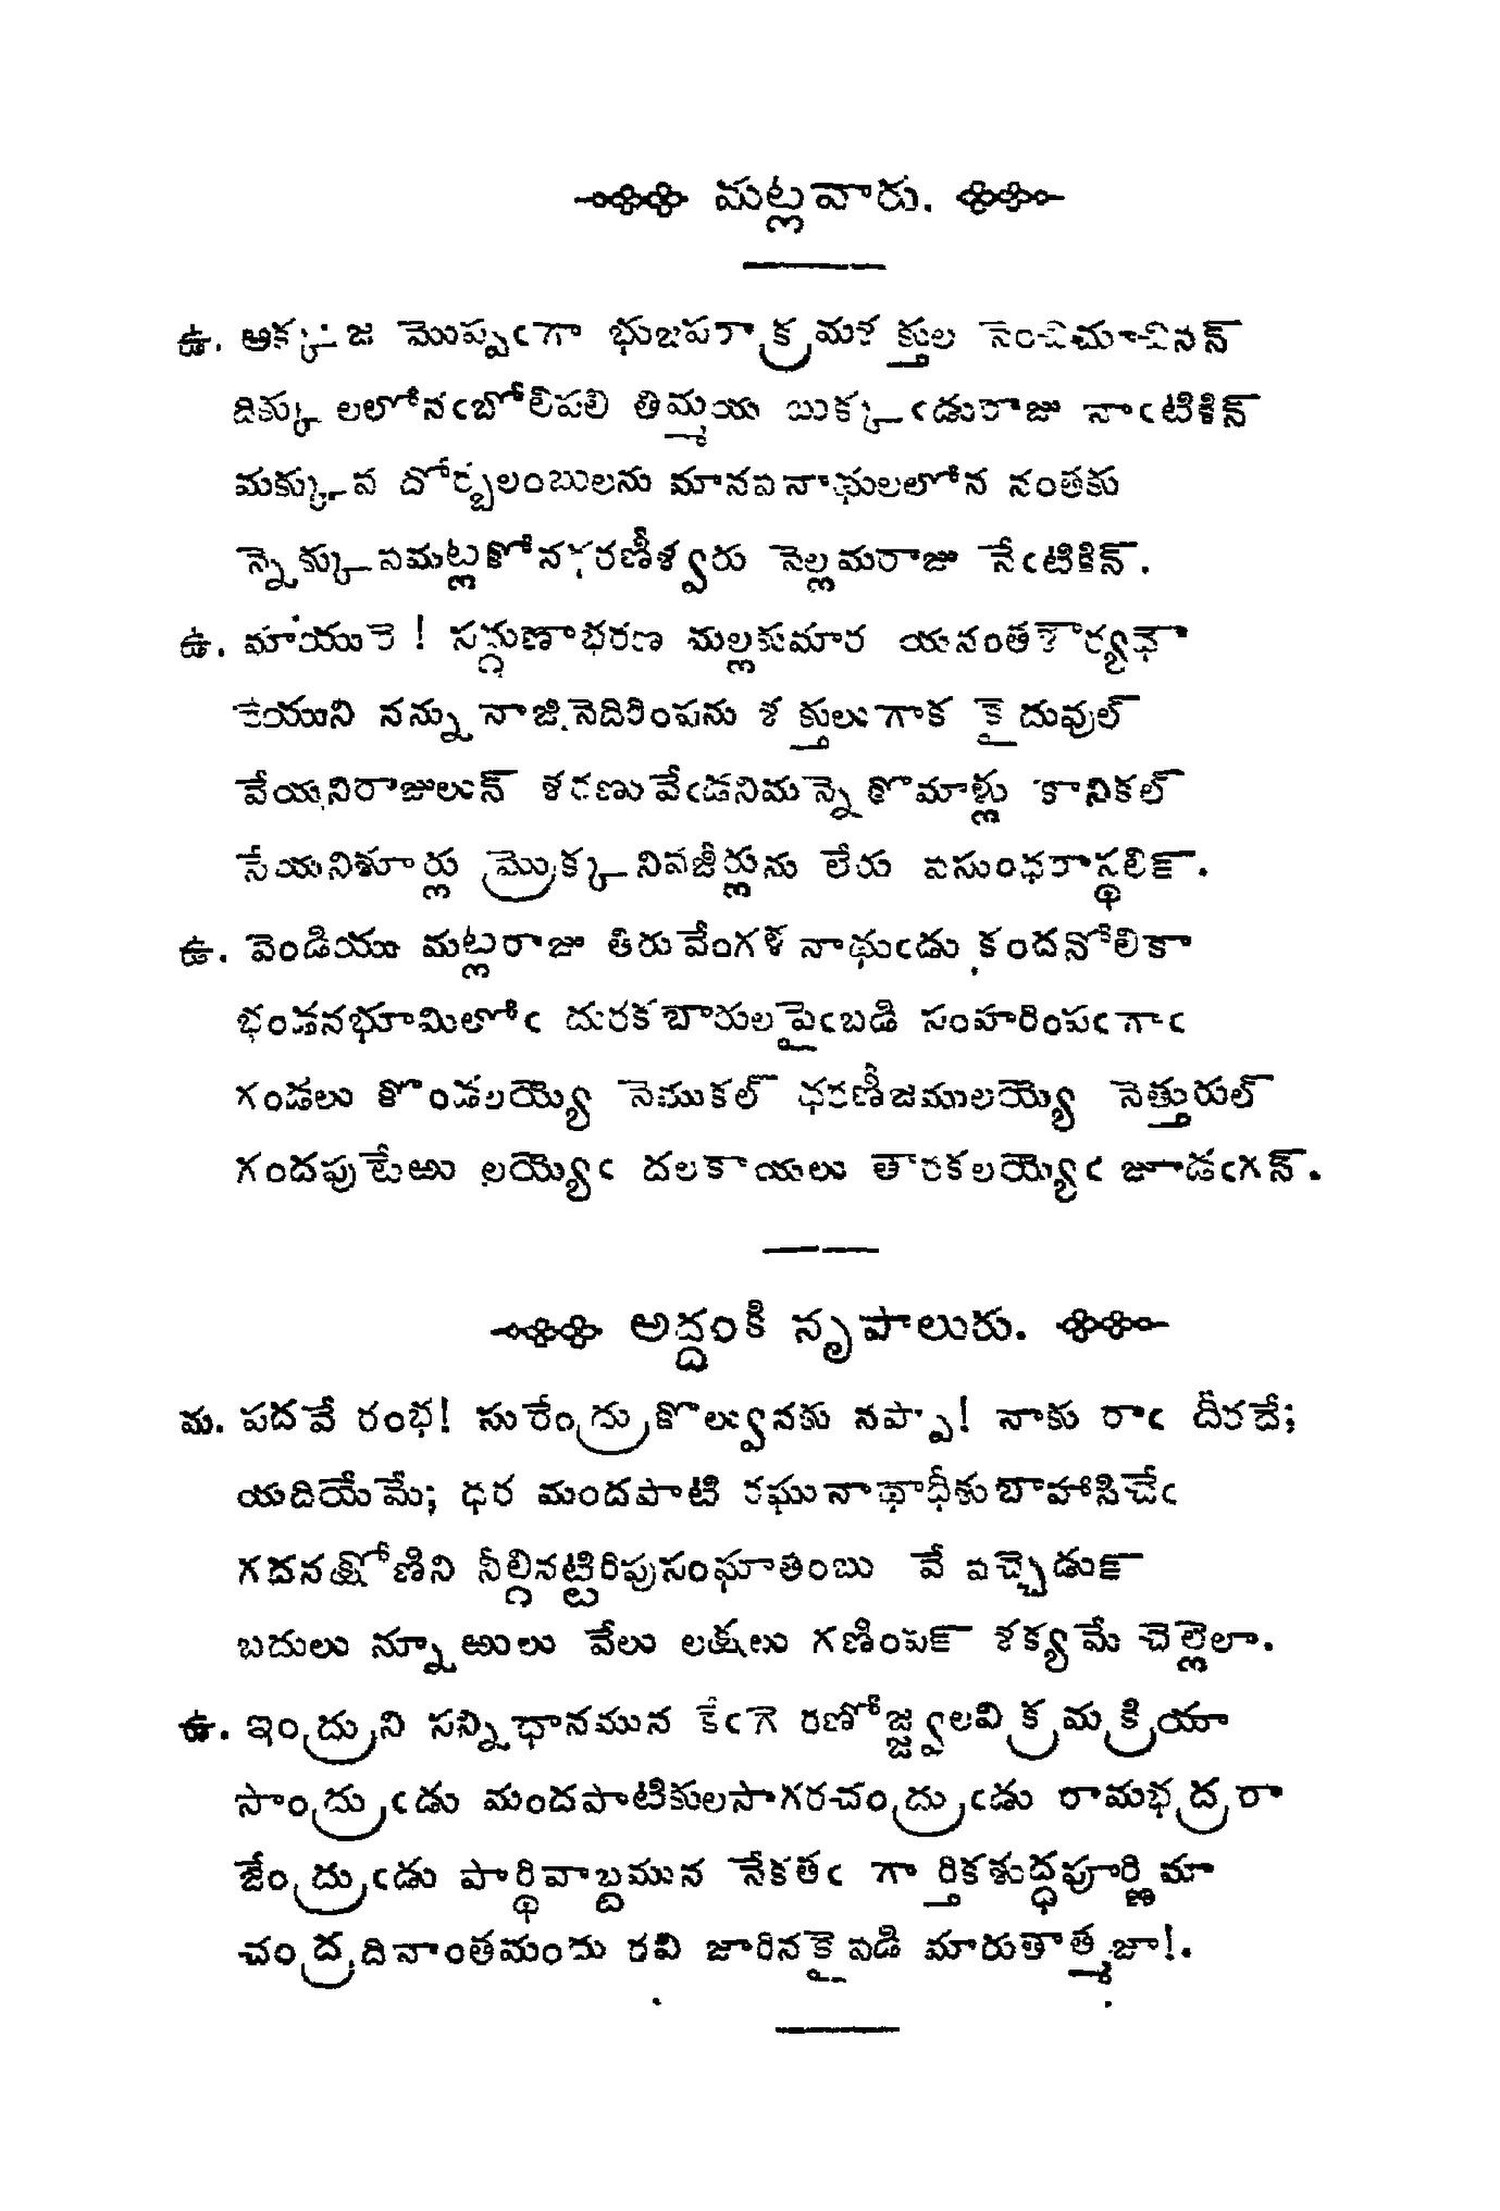ఉ. అక్కజ మొప్పఁగా భుజపరాక్రమశక్తుల నెంచిచూచినన్
 దిక్కులలోనఁ బోలిపలి తిమ్మయ బుక్కఁడు రాజు నాఁటికిన్
 మక్కువ దోర్బలంబునను మానవనాథులలోన నంతకు
 న్నెక్కువ మట్లకోనధరణీశ్వరు నెల్లమరాజు నేఁటికిన్.
ఉ. మాయురె! సద్గుణాభరణ! మల్లకుమారయనంత శౌర్యధౌ
 రేయుని నిన్ను నాజి నెదిరింపను శక్తులు గాక కైదువుల్
 వేయని రాజులున్ శరణు వేఁడని మన్నెకొమాళ్ళు కానికల్
 సేయని శూర్లు మ్రొక్కని వజీర్లును లేరు వసుంధరాస్థలిన్.
ఉ. వెండియు మట్లరాజు తిరువేంగళనాథుఁడు కందనోలికా
 భండనభూమిలోఁ దురకబారులపైఁ బడి సంహరింపఁగాఁ
 గండలు కొండలయ్యె నెముకల్ ధరణీజము లయ్యె నెత్తురుల్
 గందపుటేఱు లయ్యెఁ దలకాయలు తారక లయ్యెఁ జూడఁగన్.

మ. పదవే రంభ! సురేంద్రుకొల్వునకు నప్పా! నాకు రాఁ దీరదే;
 యది యేమే; ధర మందపాటి రఘునాథాధీశుబాహాసిచేఁ
 గదనక్షోణిని నీల్గినట్టి రిపుసంఘాతంబు వే వచ్చెడున్
 వదిలే దెప్పుడు వచ్చుటెప్పుడు, చెలీ; వామాక్షి! వారెందఱే?
 బదులు న్నూఱులు వేలు లక్షలు గణింపన్ శక్యమే చెల్లెలా.
ఉ. ఇంద్రుని సన్నిధానమున కేఁగె రణోజ్జ్వలవిక్రమక్రియా
 సాంద్రుఁడు మందపాటికులసాగరచంద్రుఁడు రామభద్రరా
 జేంద్రుఁడు పార్థివాబ్దమున నేకతఁ గార్తికశుద్ధపూర్ణిమా
 చంద్రదినాంతమందు రవి జారినకైవడి మారుతాత్మజా!